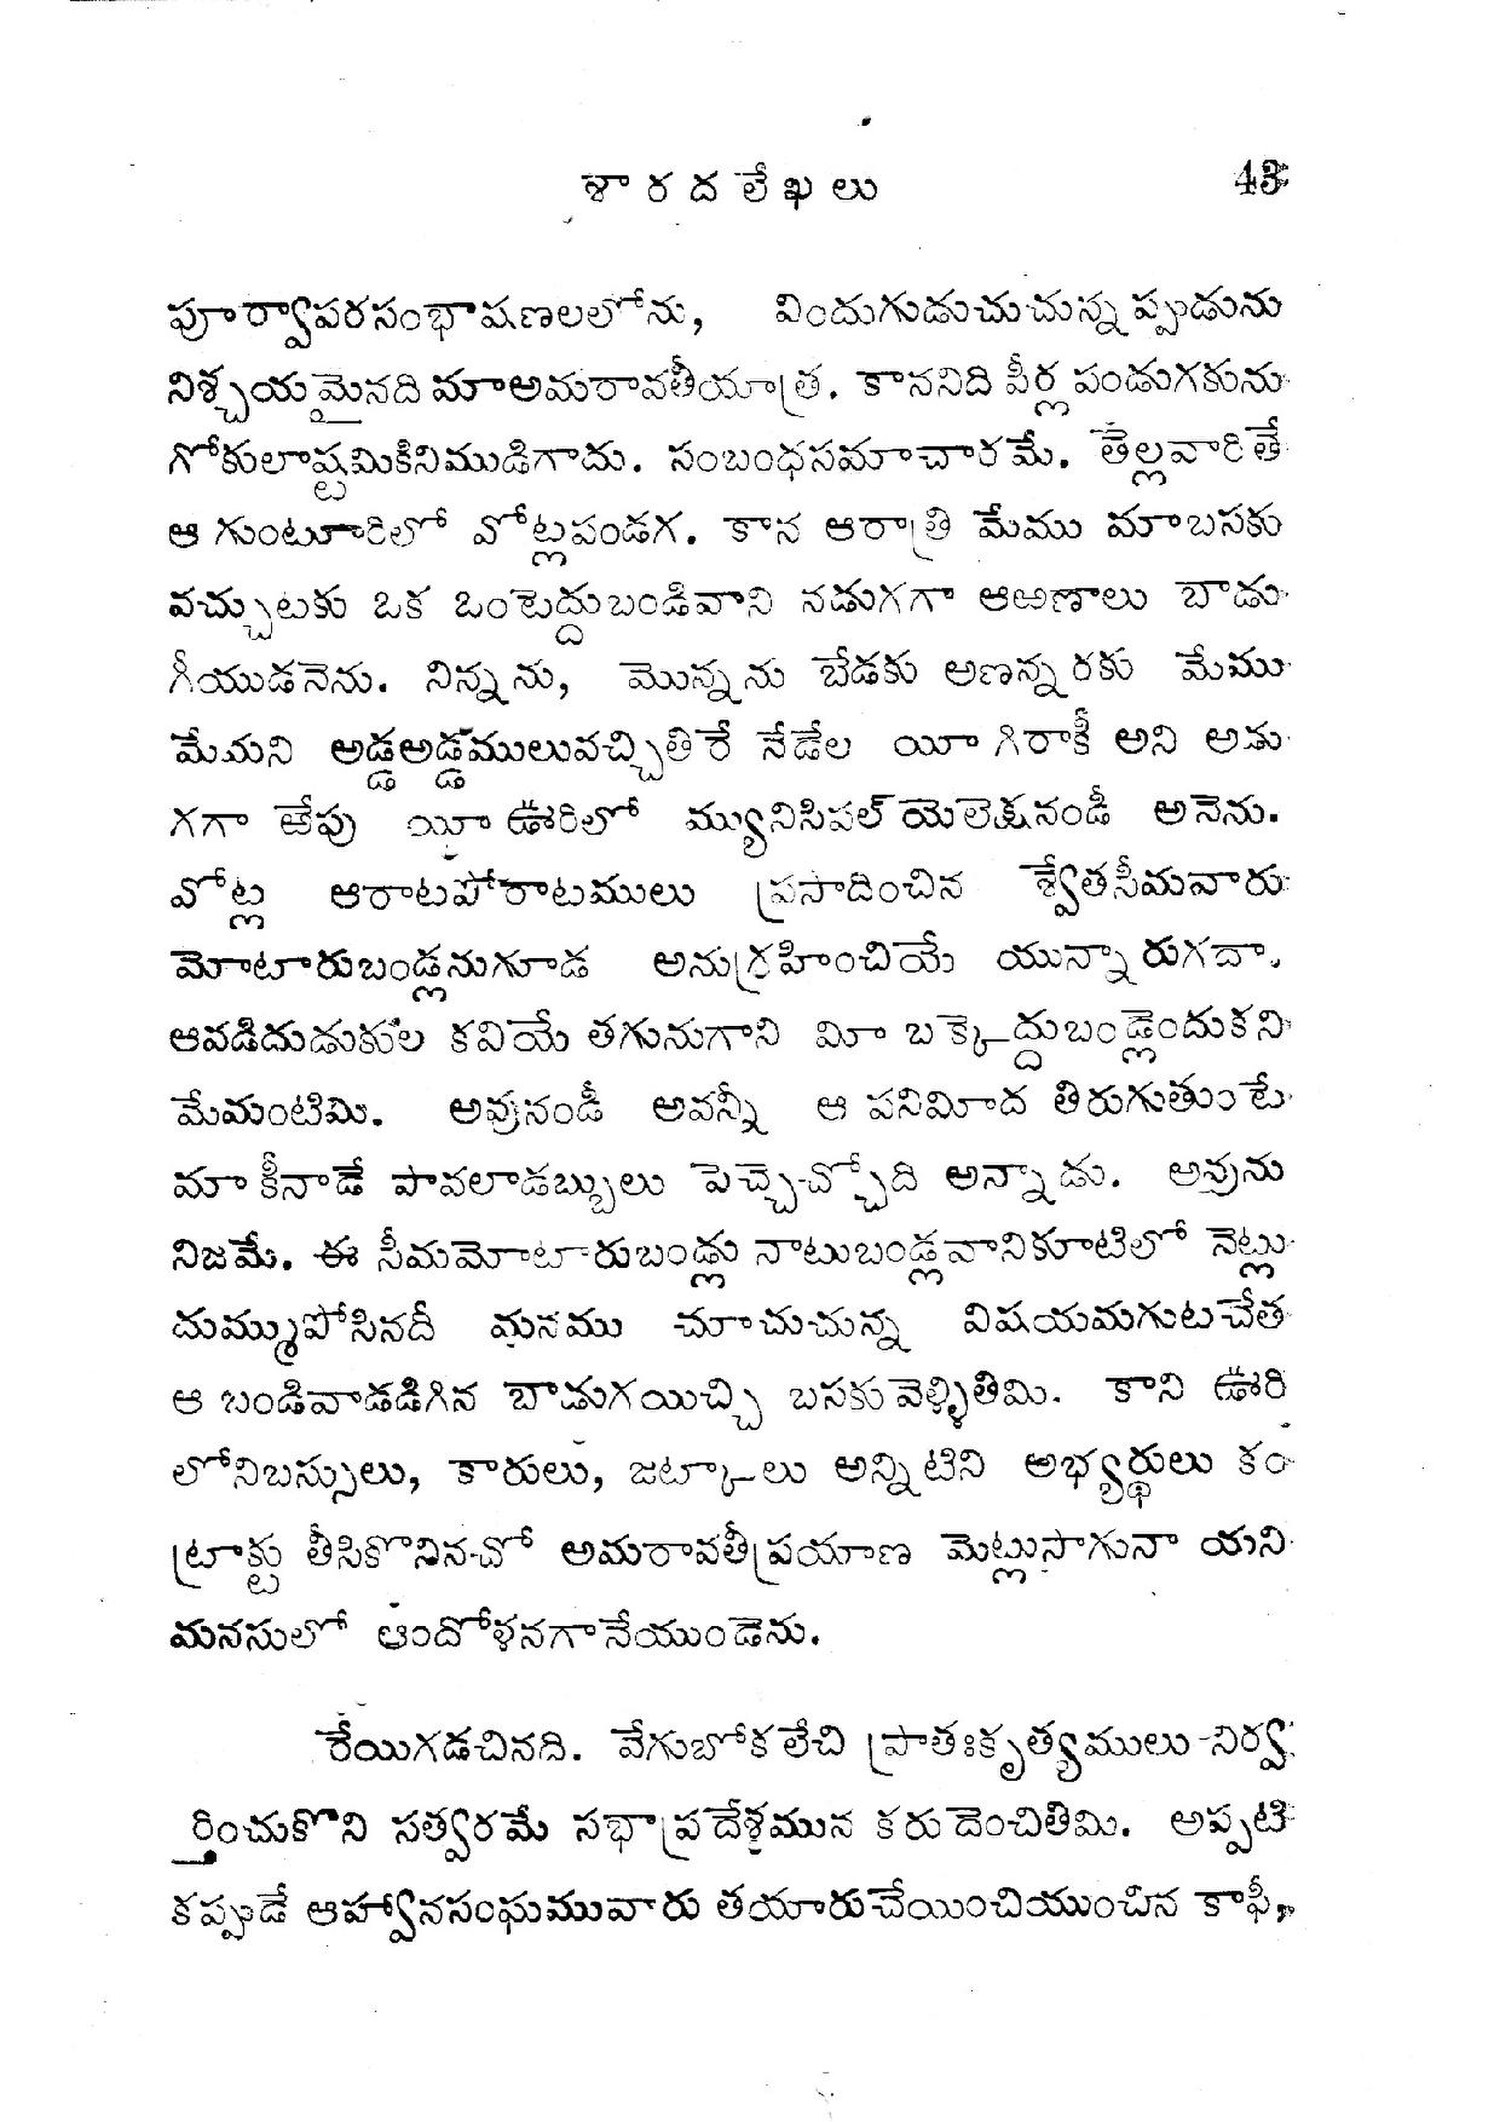పూర్వాపర సంభాషణలలోను, విందుగుడుచుచున్నప్పుడును
నిశ్చయమైనది మాఅమరావతీయాత్ర. కాననిది పీర్ల పండుగకును
గోకులాష్టమికినిముడిగాదు. సంబంధ సమాచారమే. తెల్లవారితే
ఆ గుంటూరిలో వోట్లపండగ. కాన ఆరాత్రి మేము మాబసకు
వచ్చుటకు ఒక ఒంటెద్దుబండివాని నడుగగా ఆఱణాలు బాడు
గీయుడనెను. నిన్నను, మొన్నను బేడకు అణన్నరకు మేము
మేమని అడ్డ అడ్డములువచ్చితిరే నేడేల యీ గిరాకీ అని అడు 
గగా ఱేపు యీ ఊరిలో మ్యునిసిపల్ యెలెక్షనండీ అనెను.
వోట్ల ఆరాటపోరాటములు ప్రసాదించిన శ్వేతసీమవారు 
మోటారుబండ్లనుగూడ అనుగ్రహించియే యున్నారుగదా.
ఆవడిదుడుకుల కవియే తగునుగాని మీ బక్కెద్దుబండ్లెందుకని
మేమంటిమి. అవునండీ అవన్నీ ఆ పనిమీద తిరుగుతుంటే
మాకీనాడే పావలాడబ్బులు పెచ్చెచ్చోది అన్నాడు. అవును
నిజమే, ఈ సీమమోటారు బండ్లు నాటు బండ్లవానికూటిలో నెట్లు
దుమ్ముపోసినదీ మనము చూచుచున్న విషయమగుటచేత
ఆ బండివాడడిగిన బాడుగ యిచ్చి బసకు వెళ్ళితిమి. కాని ఊరి
లోనిబస్సులు, కారులు, జట్కాలు అన్నిటిని అభ్యర్థులు కం
ట్రాక్టు తీసికొనినచో అమరావతీప్రయాణ మెట్లు సాగునా యని
మనసులో ఆందోళనగా నేయుండెను.

రేయిగడచినది. వేగుబోక లేచి ప్రాతః కృత్యములు నిర్వ
ర్తించుకొని సత్వరమే సభాప్రదేశమున కరుదెంచితిమి. అప్పటి
కప్పుడే ఆహ్వానసంఘమువారు తయారుచేయించియుంచిన కాఫీ,